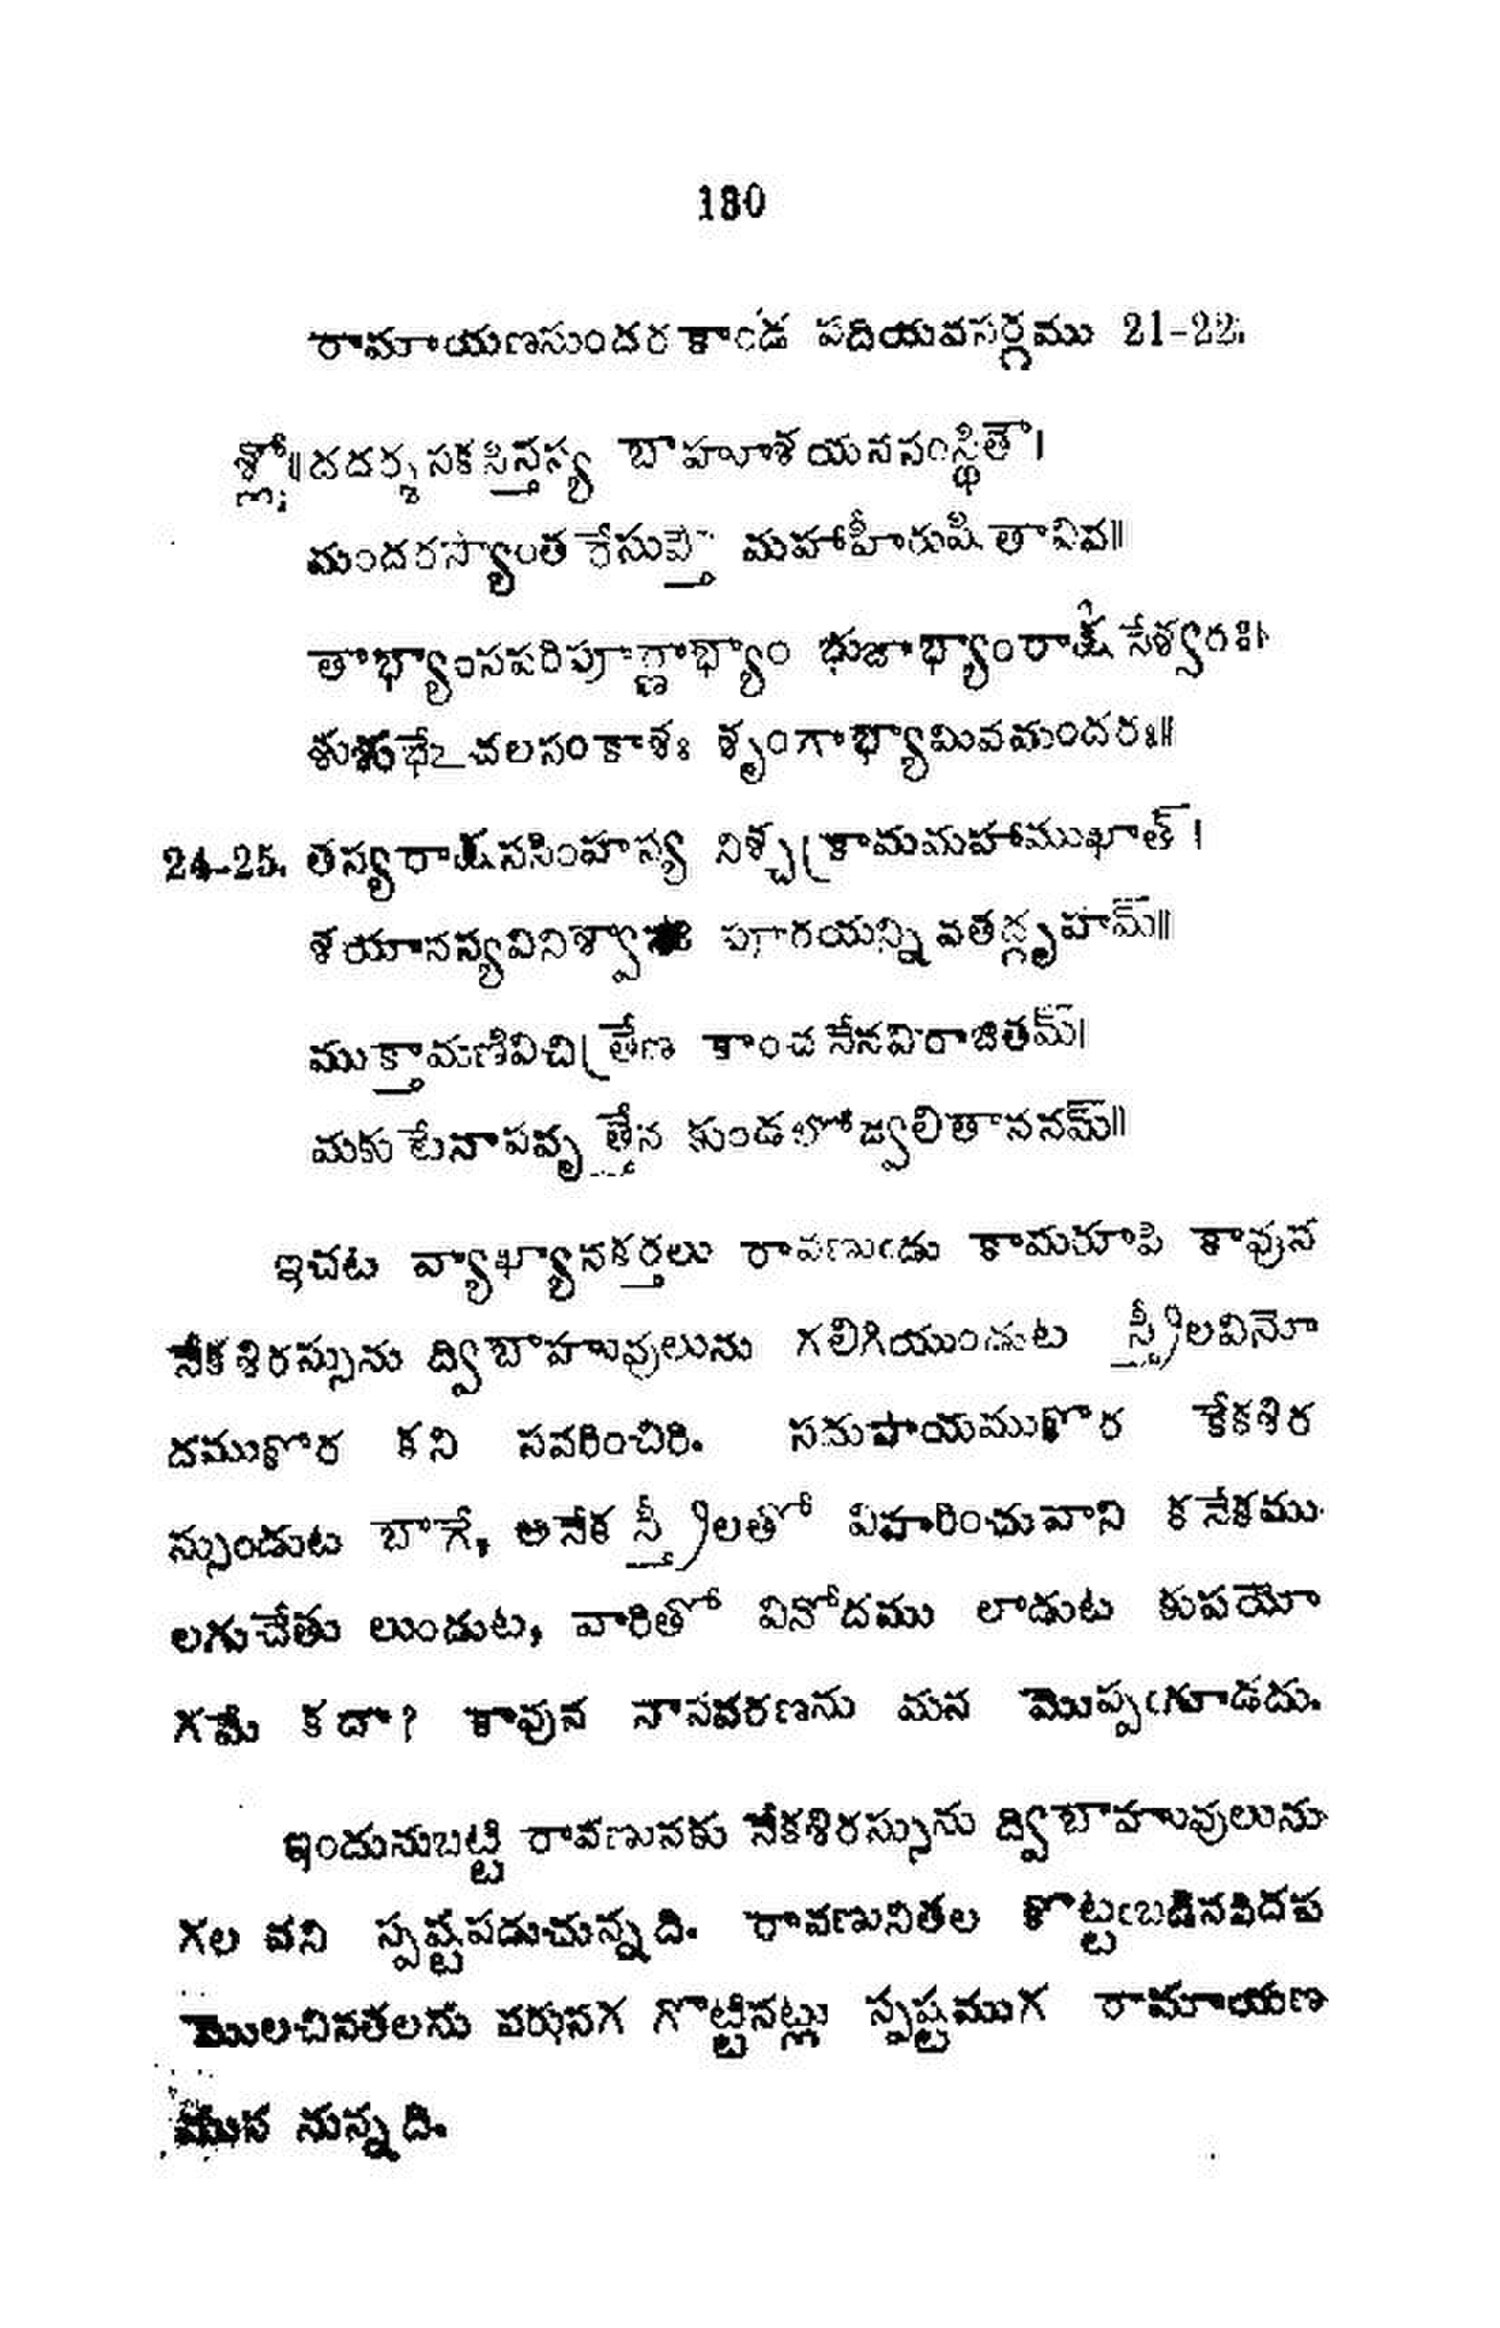రామాయణసుందరకాండ పదియవసర్గము 21-22.

శ్లో. దదర్శసకసిస్తస్య బాహూశయనసంస్థితౌ !
 మందరస్యాంతరేసుప్తౌ మహాహీరుషి తావివ!!
 తాభ్యాంసపరిపూర్ణాభ్యాం భుజాభ్యాంరాక్షసేశ్వరః!
 శుశుభే౽ చలసంకాశః శృంగాభ్యామివమందరః!!

24-25, తస్యరాక్షససింహస్య నిశ్చక్రామమహాముఖాత్ !
 శయానస్యవినిశ్వాసా పూరయన్నివతద్గృహమ్ !!
 ముక్తామణివిచిత్రేణ కాంచనేనవిరాజితమ్ !
 మకుటేనాపవృత్తేన కుండలోజ్వలితాననమ్ !!
ఇచట వ్యాఖ్యానకర్తలు రావణుఁడు కామరూపి కావున నేకశిరస్సును ద్విబాహువులును గలిగియుండుట స్త్రీలవినోదముకొర కని సవరించిరి. సదుపాయముకొర కేకశిరస్సుండుట బాగే, అనేక స్త్రీలతో విహరించువాని కనేకములగుచేతు లుండుట, వారితో వినోదము లాడుట కుపయోగమే కదా? కావున నాసవరణను మన మొప్పఁగూడదు.

ఇందునుబట్టి రావణునకు నేకశిరస్సును ద్విబాహువులును గల వని స్పష్టపడుచున్నది. రావణునితల కొట్టఁబడినపిదప మొలచినతలను వరుసగ గొట్టినట్లు స్పష్టముగ రామాయణమున నున్నది.